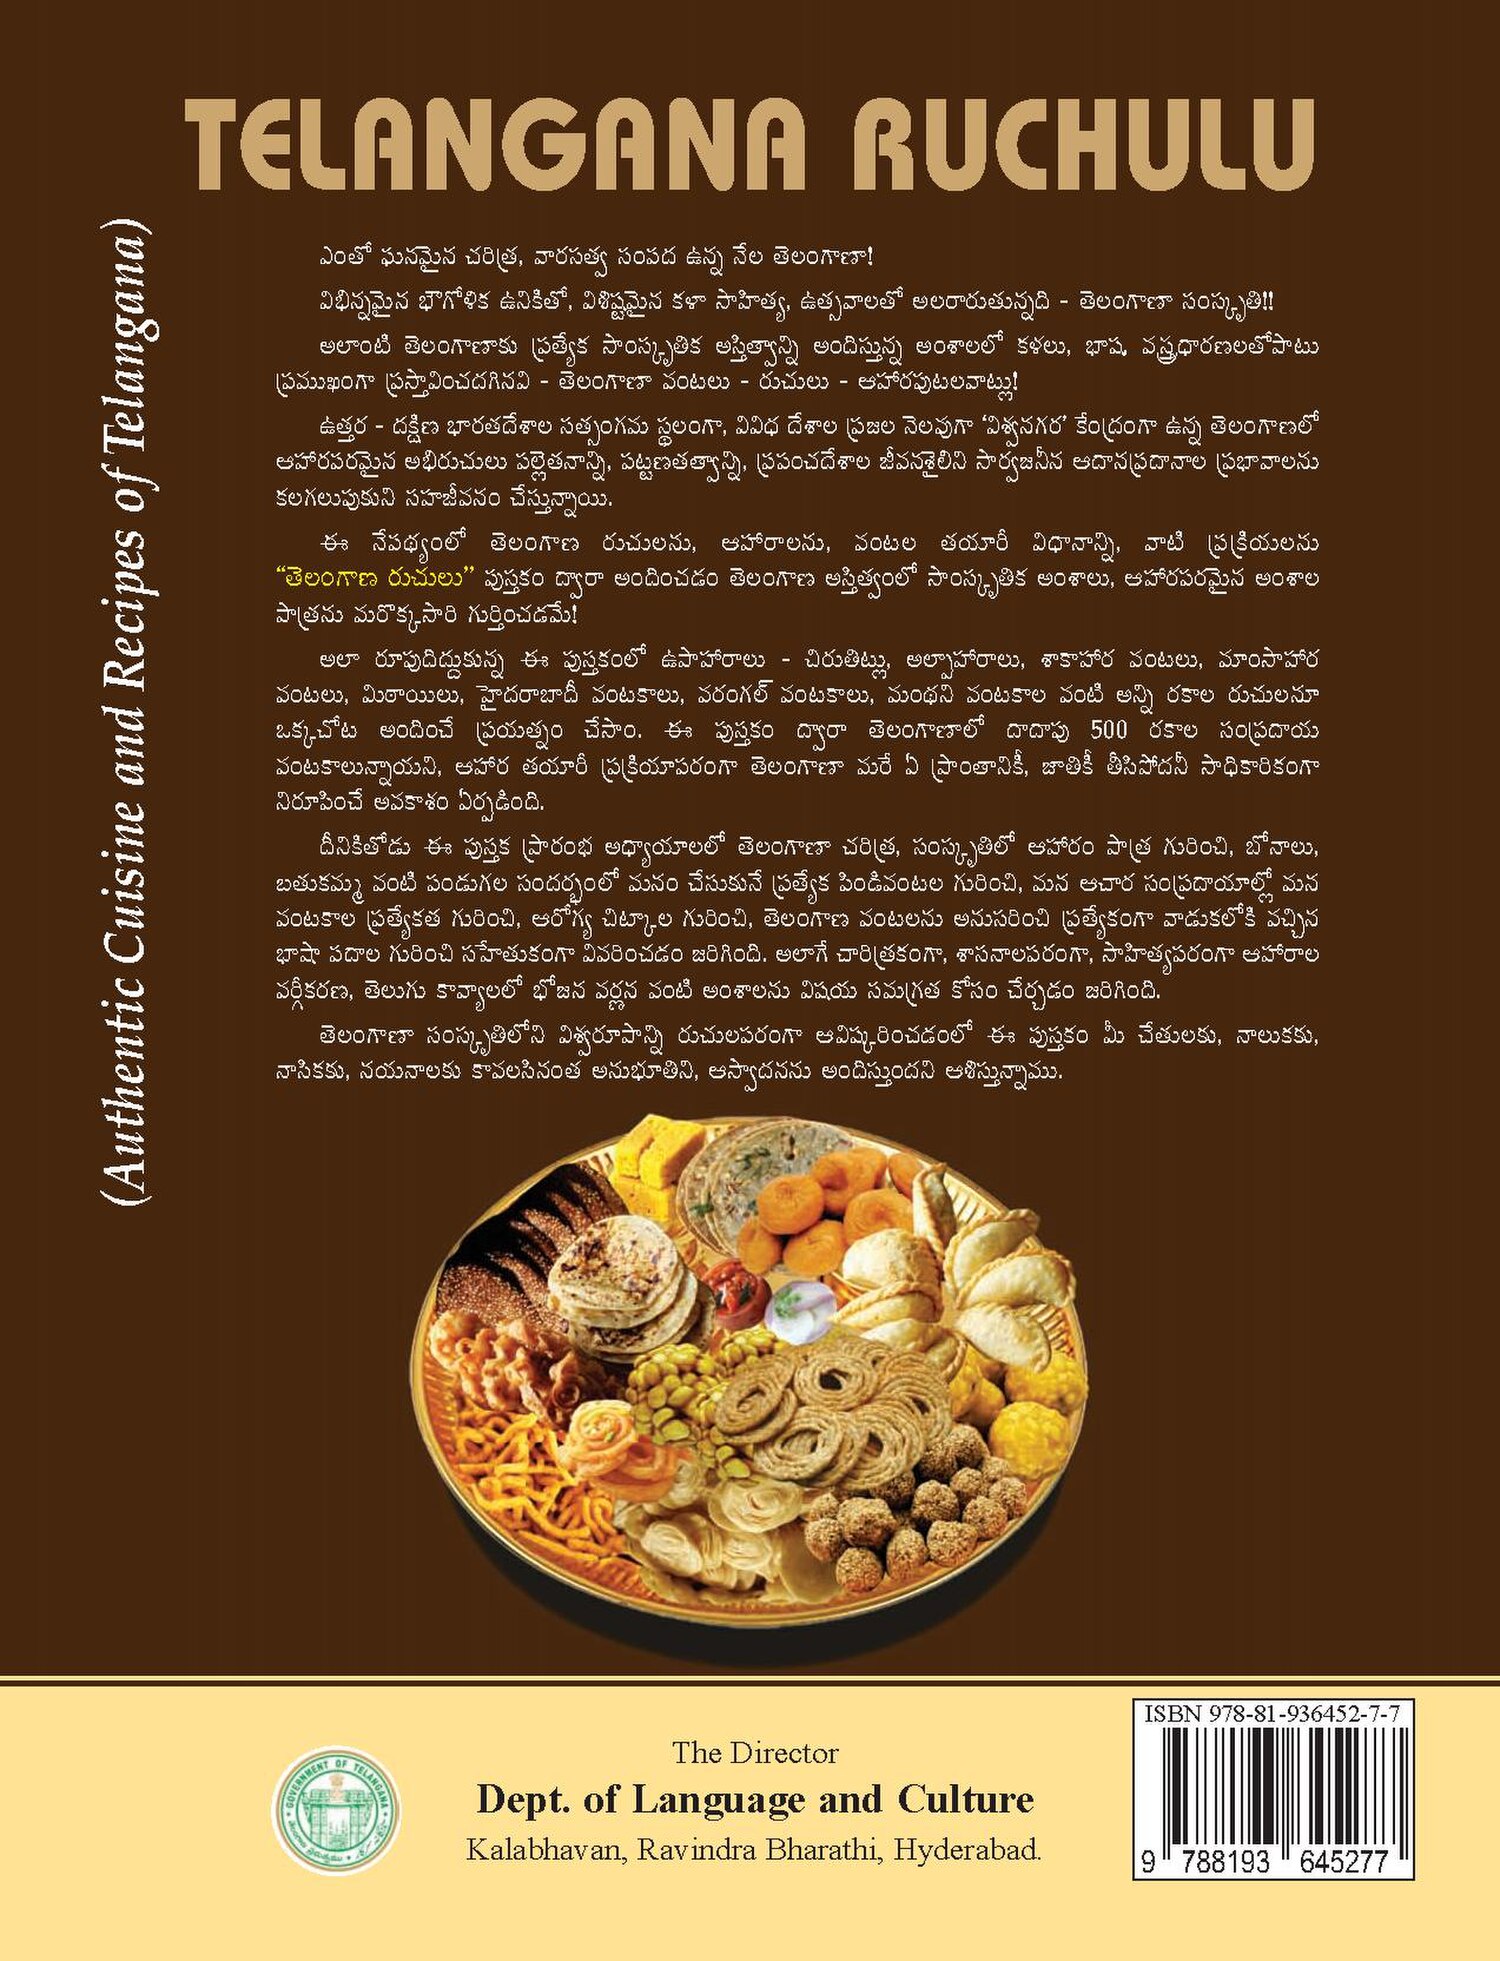ఎంతో ఘనమైన చరిత్ర, వారసత్వ సంపద ఉన్న నేల తెలంగాణా!

విభిన్నమైన భౌగోళిక ఉనికితో, విశిష్టమైన కళా సాహిత్య, ఉత్సవాలతో అలరారుతున్నది - తెలంగాణా సంస్కృతి!!
అలాంటి తెలంగాణాకు ప్రత్యేక సాంస్కృతిక అస్తిత్వాన్ని అందిస్తున్న అంశాలలో కళలు, భాష, వస్త్రధారణలతోపాటు
ప్రముఖంగా ప్రస్తావించదగినవి - తెలంగాణా వంటలు - రుచులు - ఆహారపుటలవాట్లు!

ఉత్తర - దక్షిణ భారతదేశాల సత్సంగమ స్థలంగా, వివిధ దేశాల ప్రజల నెలవుగా 'విశ్వనగర కేంద్రంగా ఉన్న తెలంగాణలో ఆహారపరమైన అభిరుచులు పల్లెతనాన్ని, పట్టణతత్వాన్ని, ప్రపంచదేశాల జీవనశైలిని సార్వజనీన ఆదానప్రదానాల ప్రభావాలను కలగలుపుకుని సహజీవనం చేస్తున్నాయి.

ఈ నేపథ్యంలో తెలంగాణ రుచులను, ఆహారాలను, వంటల తయారీ విధానాన్ని, వాటి ప్రక్రియలను “తెలంగాణ రుచులు” పుస్తకం ద్వారా అందించడం తెలంగాణ అస్తిత్వంలో సాంస్కృతిక అంశాలు, ఆహారపరమైన అంశాల
పాత్రను మరొక్కసారి గుర్తించడమే!

అలా రూపుదిద్దుకున్న ఈ పుస్తకంలో ఉపాహారాలు - చిరుతిట్లు, అల్పాహారాలు, శాకాహార వంటలు, మాంసాహార వంటలు, మిఠాయిలు, హైదరాబాదీ వంటకాలు, వరంగల్ వంటకాలు, మంథని వంటకాల వంటి అన్ని రకాల రుచులనూఒక్కచోట అందించే ప్రయత్నం చేసాం. ఈ పుస్తకం ద్వారా తెలంగాణాలో దాదాపు 500 రకాల సంప్రదాయ
వంటకాలున్నాయని, ఆహార తయారీ ప్రక్రియాపరంగా తెలంగాణా మరే ఏ ప్రాంతానికీ, జాతికీ తీసిపోదనీ సాధికారికంగా
నిరూపించే అవకాశం ఏర్పడింది.

దీనికితోడు ఈ పుస్తక ప్రారంభ అధ్యాయాలలో తెలంగాణా చరిత్ర, సంస్కృతిలో ఆహారం పాత్ర గురించి, బోనాలు,
బతుకమ్మ వంటి పండుగల సందర్భంలో మనం చేసుకునే ప్రత్యేక పిండివంటల గురించి, మన ఆచార సంప్రదాయాల్లో మన వంటకాల ప్రత్యేకత గురించి, ఆరోగ్య చిట్కాల గురించి, తెలంగాణ వంటలను అనుసరించి ప్రత్యేకంగా వాడుకలోకి వచ్చిన భాషా పదాల గురించి సహేతుకంగా వివరించడం జరిగింది. అలాగే చారిత్రకంగా, శాసనాలపరంగా, సాహిత్య పరంగా ఆహారాల వర్గీకరణ, తెలుగు కావ్యాలలో భోజన వర్ణన వంటి అంశాలను విషయ సమగ్రత కోసం చేర్చడం జరిగింది.

తెలంగాణా సంస్కృతిలోని విశ్వరూపాన్ని రుచులపరంగా ఆవిష్కరించడంలో ఈ పుస్తకం మీ చేతులకు, నాలుకకు,
నాసికకు, నయనాలకు కావలసినంత అనుభూతిని, ఆస్వాదనను అందిస్తుందని ఆశిస్తున్నాము.